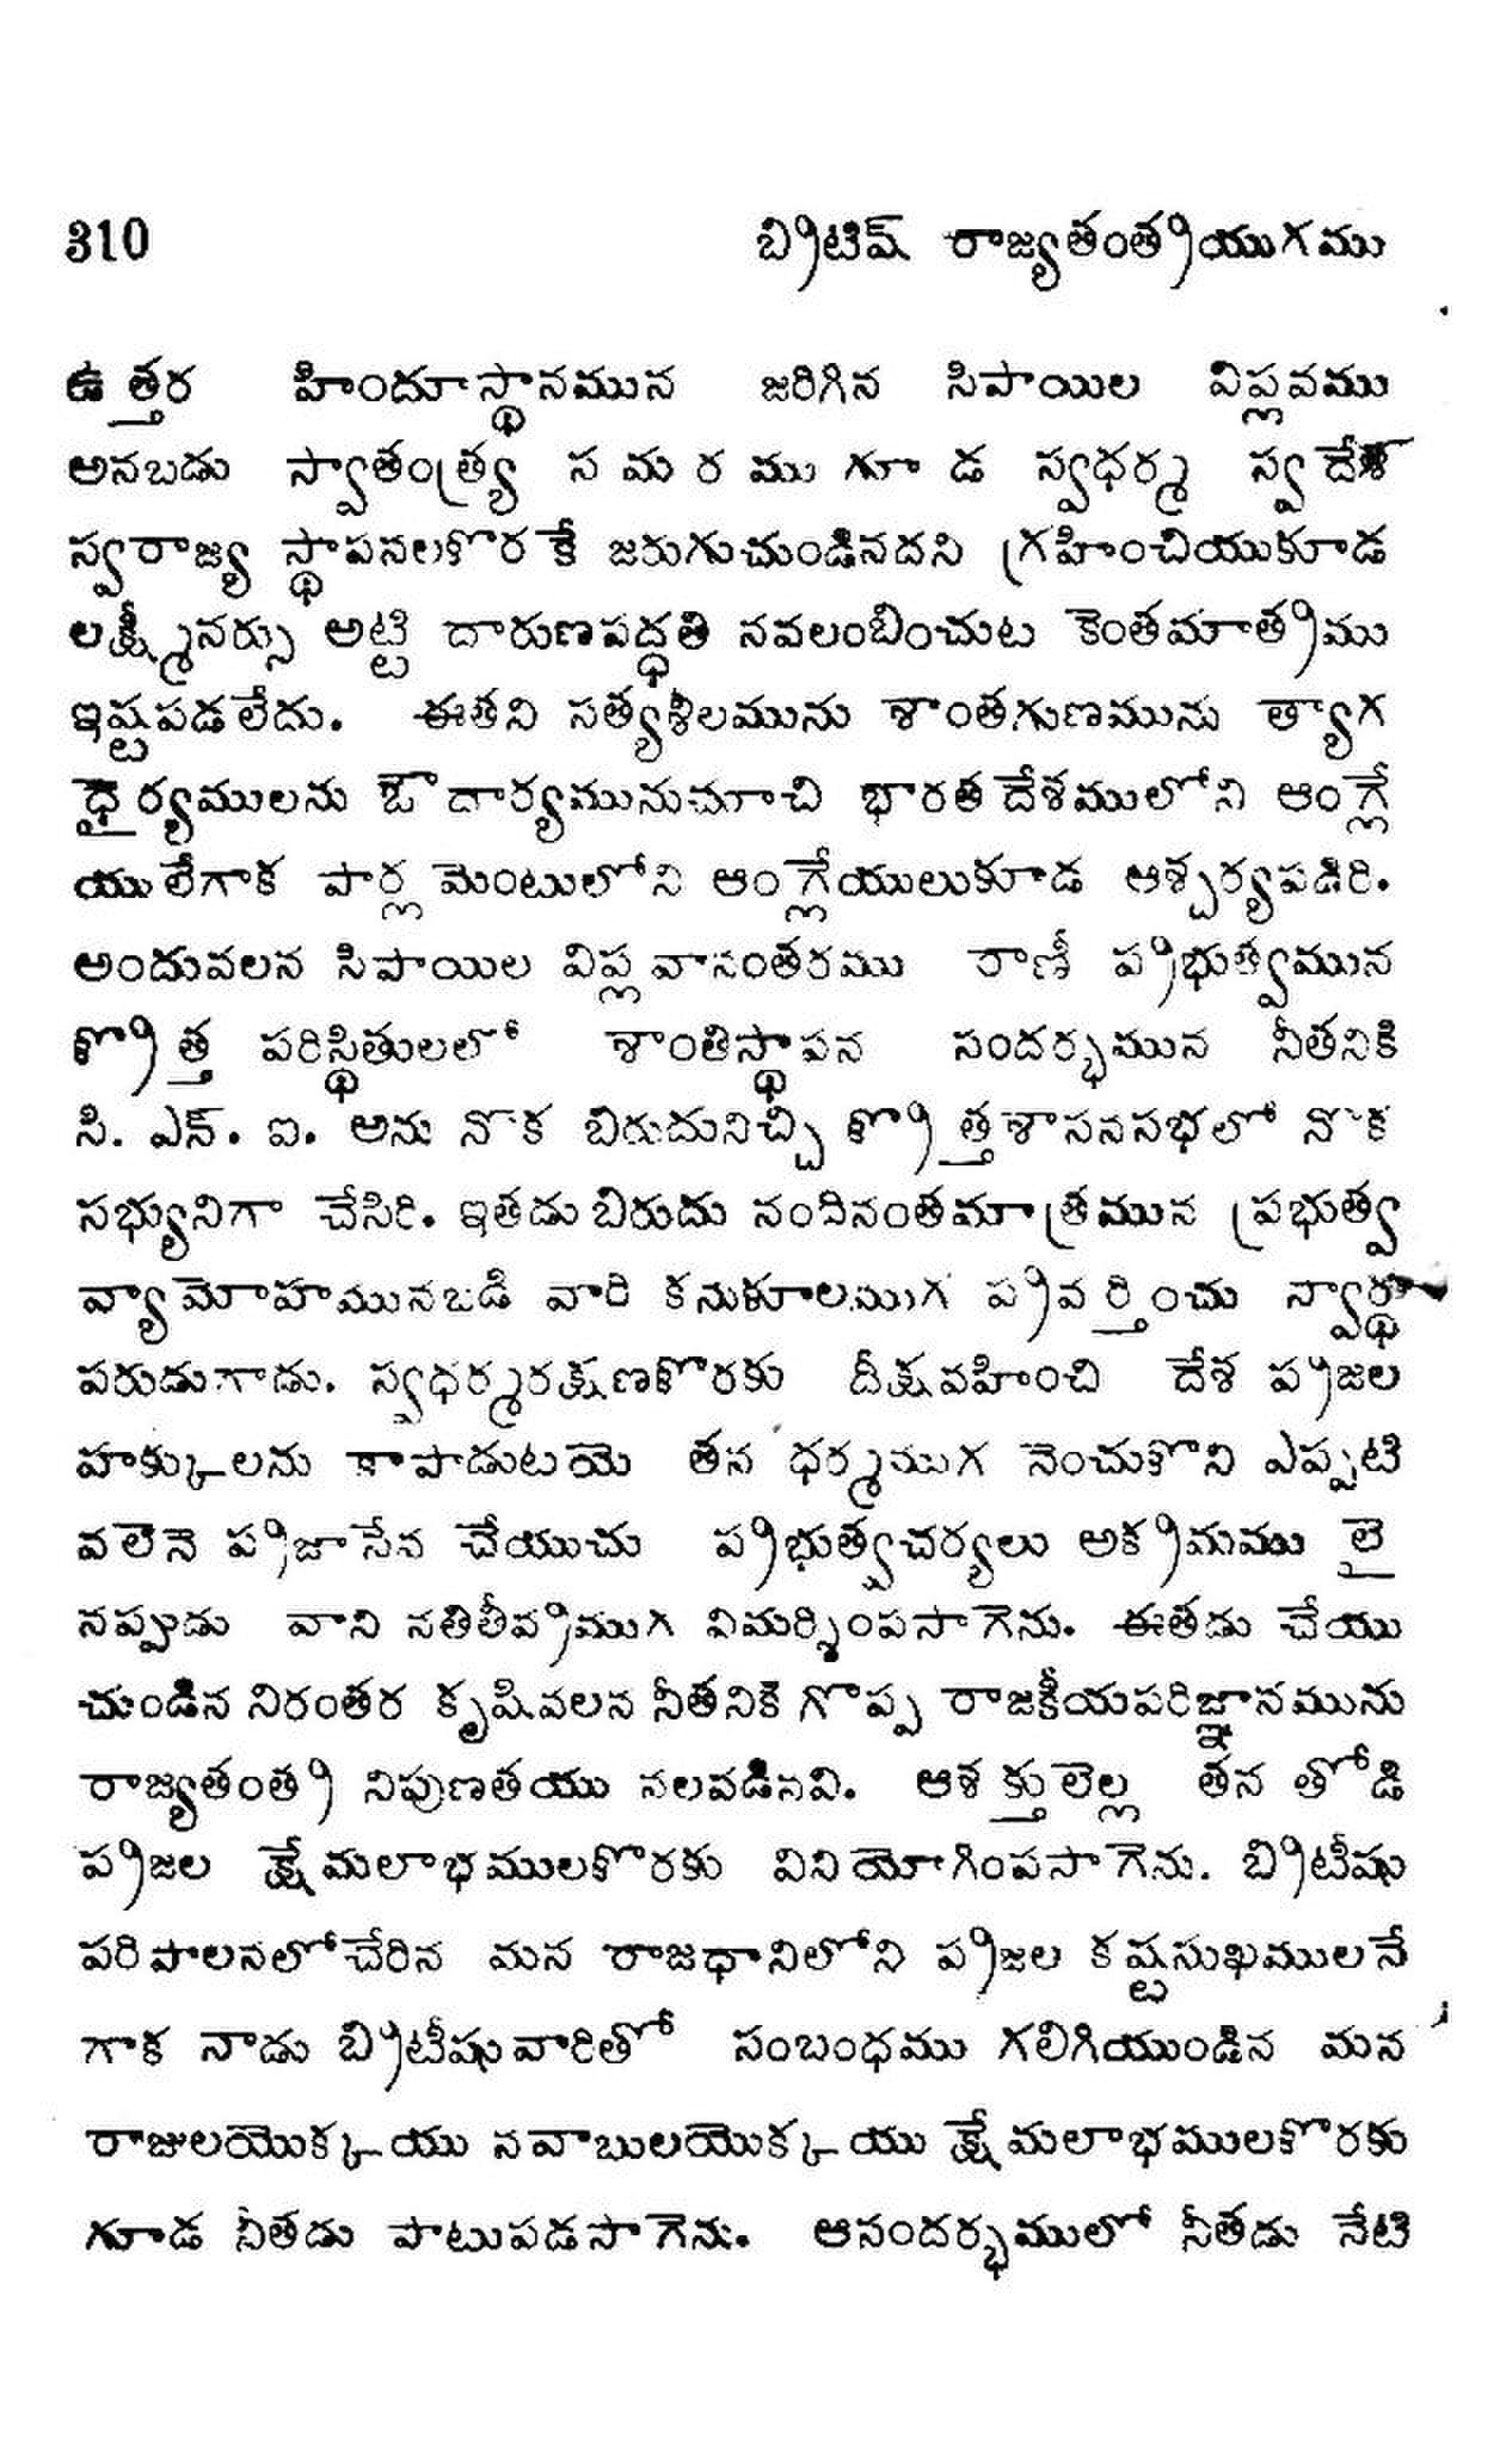ఉత్తర హిందూస్థానమున జరిగిన సిపాయిల విప్లవము అనబడు స్వాతంత్ర్య సమరముగూడ స్వధర్మ స్వదేశ స్వరాజ్య స్థాపనలకొరకే జరుగుచుండినదని గ్రహించియుకూడ లక్ష్మీనర్సు అట్టి దారుణపద్దతి నవలంబించుట కెంతమాత్రము ఇష్టపడలేదు. ఈతని సత్యశీలమును శాంతగుణమును త్యాగ ధైర్యములను ఔదార్యమునుచూచి భారతదేశములోని ఆంగ్లేయులేగాక పార్లమెంటులోని ఆంగ్లేయులుకూడ ఆశ్చర్యపడిరి. అందువలన సిపాయిల విప్లవానంతరము రాణీ ప్రభుత్వమున క్రొత్త పరిస్థితులలో శాంతిస్థాపన సందర్భమున నీతనికి సి. ఎస్. ఐ. అను నొక బిరుదునిచ్చి క్రొత్తశాసనసభలో నొక సభ్యునిగా చేసిరి. ఇతడు బిరుదు నందినంతమాత్రమున ప్రభుత్వ వ్యామోహమునబడి వారి కనుకూలముగా ప్రవర్తించు స్వార్థపరుడుగాడు. స్వధర్మరక్షణకొరకు దీక్షవహించి దేశ ప్రజల హక్కులను కాపాడుటయె తన ధర్మముగ నెంచుకొని ఎప్పటివలెనె ప్రజాసేవ చేయుచు ప్రభుత్వచర్యలు అక్రమము లైనప్పుడు వాని నతితీవ్రముగా విమర్శింపసాగెను. ఈతడు చేయుచుండిన నిరంతర కృషివలననీతనికి గొప్ప రాజకీయపరిజ్ఞానమును రాజ్యతంత్ర నిపుణతయు నలవడినవి. ఆశక్తులెల్ల తన తోడిప్రజల క్షేమలాభములకొరకు వినియోగింపసాగెను. బ్రిటీషు పరిపాలనలోచేరిన మన రాజధానిలోని ప్రజల కష్టసుఖములనే గాక నాడు బ్రిటీషువారితో సంబంధము గలిగియుండిన మన రాజులయొక్కయు నవాబులయొక్కయు క్షేమలాభములకొరకు గూడ నీతడు పాటుపడసాగెను. ఆసందర్భములో నీతడు నేటి